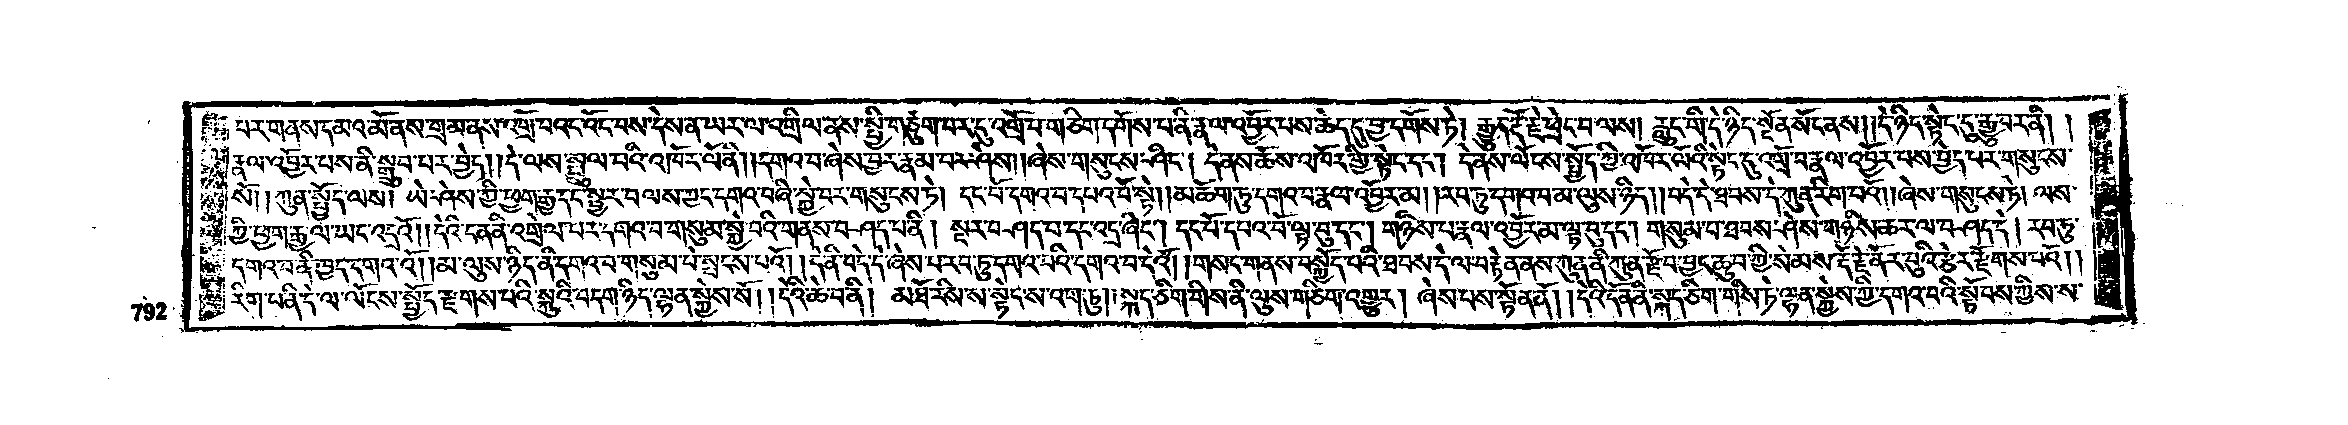པར་གནས་དམའ་མོ་ནས་གྲམ་ནས་འགྲོ་བའང་འོང་བས་དེས་ན་ཡར་ལ་འགྲིལ་ནས་སྤྱི་གཙུག་བར་དུ་འགྲོ་བ་གཅིག་དགོས་པ་ནི་རྣལ་འབྱོར་པས་ཆེད་དུ་བྱ་དགོས་ཏེ། རྒྱུད་རྡོ་རྗེ་ཕྲེང་བ་ལས། རླུང་གི་དེ་ཉིད་སྔོན་སོང་ནས། །དེ་ཉིད་སྟེང་དུ་རྒྱུ་བར་ནི། །
རྣལ་འབྱོར་པས་ནི་སྒྲུབ་པར་བྱེད། །དེ་ལས་སྤྲུལ་པའི་འཁོར་ལོ་ནི། །དགའ་བ་ཞེས་བྱར་རྣམ་པར་ཤེས། །ཞེས་གསུངས་ཤིང་། དེ་ནས་ཆོས་འཁོར་གྱི་སྟེང་དང་། དེ་ནས་ལོངས་སྤྱོད་ཀྱི་འཁོར་ལོའི་སྟེང་དུ་འགྲོ་བ་རྣལ་འབྱོར་པས་བྱེད་པར་གསུངས་
སོ། །ཀུན་སྤྱོད་ལས། ཡེ་ཤེས་ཀྱི་ཕྱག་རྒྱ་དང་སྦྱར་བ་ལས་ཀྱང་དགའ་བཞི་སྐྱེ་བར་གསུངས་ཏེ། དང་པོ་དགའ་བ་དཔའ་བོ་སྟེ། །མཆོག་ཏུ་དགའ་བ་རྣལ་འབྱོར་མ། །རབ་ཏུ་དགའ་བ་མ་ལུས་ཉིད། །བདེ་དེ་ཐབས་དེ་ཀུན་རིག་པའོ། །ཞེས་གསུངས་ཏེ། ལས་
ཀྱི་ཕྱག་རྒྱ་ལ་ཡང་འདྲའོ། །དེའི་དོན་ནི་འགྲེལ་པར་དགའ་བ་གསུམ་སྐྱེ་བའི་གནས་བཤད་པ་ནི། སྔར་བཤད་པ་དང་འདྲ་ཞིང་། དང་པོ་དཔའ་བོ་ལྟ་བུ་དང་། གཉིས་པ་རྣལ་འབྱོར་མ་ལྟ་བུ་དང་། གསུམ་པ་ཐབས་ཤེས་གཉིས་ཆར་ལ་བཤད་དེ། རབ་ཏུ་
དགའ་བ་ནི་ཁྱད་དགའ་འོ། །མ་ལུས་ཉིད་ནི་དགའ་བ་གསུམ་པོ་སྤངས་པའོ། །དེ་ནི་བདེ་དེ་ཞེས་པ་རབ་ཏུ་དགའ་བའི་དགའ་བ་དེའོ། །གསང་གནས་བསྐྱོད་པའི་ཐབས་དེ་ལ་བརྟེན་ནས་ཀུན་ནི་ཀུན་རྫོབ་བྱང་ཆུབ་ཀྱི་སེམས་རྡོ་རྗེ་ནོར་བུའི་རྩེར་རྫོགས་པའོ། །
རིག་པ་ནི་དེ་ལ་ལོངས་སྤྱོད་རྫོགས་པའི་སྐུའི་བདག་ཉིད་ལྷན་སྐྱེས་སོ། །དེའི་ཆེ་བ་ནི། མཐོ་རིས་ས་སྟེང་ས་འོག་ཏུ། །སྐད་ཅིག་གིས་ནི་ལུས་གཅིག་འགྱུར། ཞེས་པས་སྟོན་ནོ། །དེའི་དོན་ནི་སྐད་ཅིག་གིས་ཏེ་ལྷན་སྐྱེས་ཀྱི་དགའ་བའི་སྟོབས་ཀྱིས་ས་